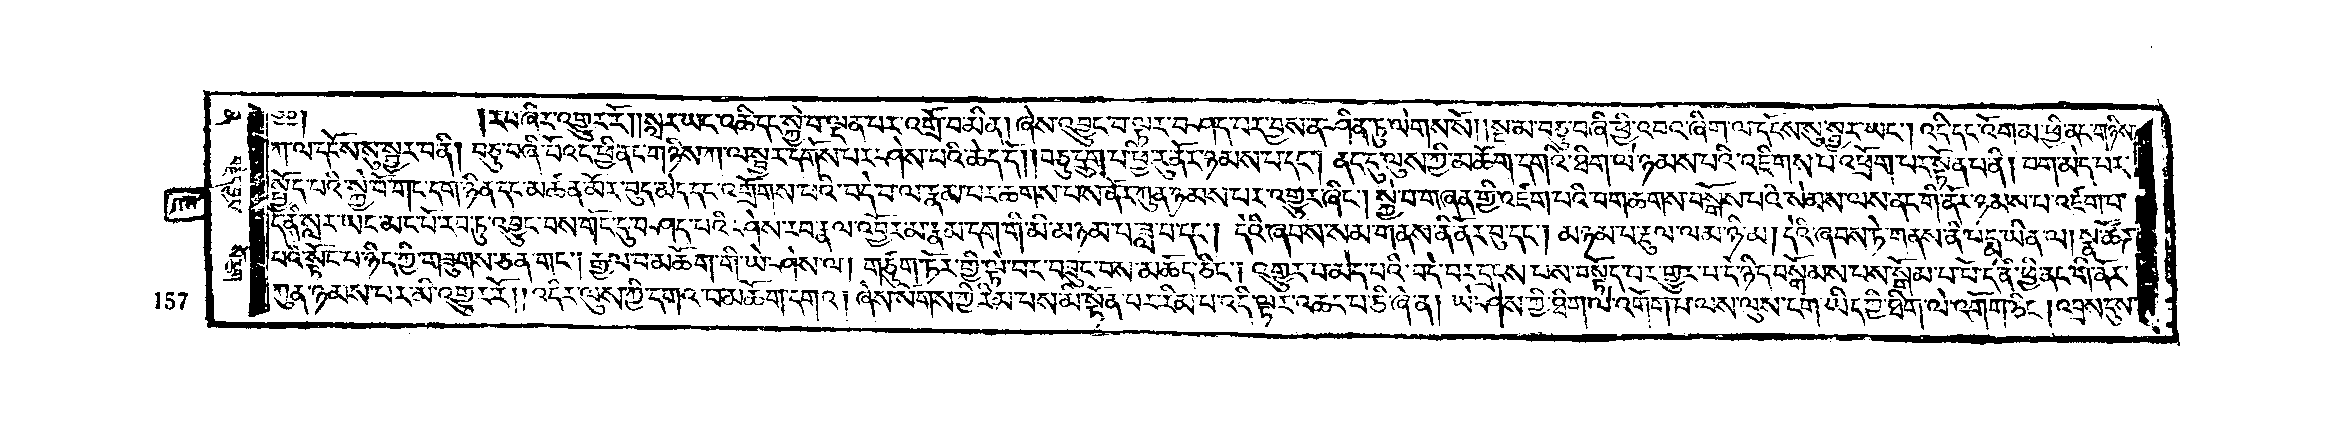༄༅། །རབ་ཞིར་འགྱུར་རོ། །སླར་ཡང་འཆི་དང་སྐྱེ་བ་ལྡན་པར་འགྲོ་བ་མིན། ཞེས་འབྱུང་བ་ལྟར་བཤད་པར་བྱས་ན་ཤིན་ཏུ་ལེགས་སོ། །སྔ་མ་བཅུ་བཞི་ཕྱི་འབའ་ཞིག་ལ་དངོས་སུ་སྦྱར་ཡང་། འདི་དང་འོག་མ་ཕྱི་ནང་གཉིས་
ཀ་ལ་དངོས་སུ་སྦྱར་བ་ནི། བཅུ་བཞི་པོའང་ཕྱི་ནང་གཉིས་ཀ་ལ་སྦྱར་དགོས་པར་ཤེས་པའི་ཆེད་དོ། །བཅུ་དྲུག་པ་ཕྱི་རུ་ནོར་ཉམས་པ་དང་། ནང་དུ་ལུས་ཀྱི་མཆོག་དགའི་ཐིག་ལེ་ཉམས་པའི་འཇིགས་པ་འཕྲོག་པར་སྟོན་པ་ནི། བག་མེད་པར་
སྤྱོད་པའི་སྐྱེ་བོ་གང་དག་ཉིན་དང་མཚན་མོར་བུད་མེད་དང་འགྲོགས་པའི་བདེ་བ་ལ་རྣམ་པར་ཆགས་པས་ནོར་ཀུན་ཉམས་པར་འགྱུར་ཞིང་། སྐྱེ་བ་གཞན་གྱི་འཛག་པའི་བག་ཆགས་བསྒོས་པའི་སེམས་ལས་ནང་གི་ནོར་ཉམས་པ་འཛག་པ་
དེ་ནི་སླར་ཡང་མང་པོ་རབ་ཏུ་འབྱུང་བས་གོང་དུ་བཤད་པའི་ཤེས་རབ་རྣལ་འབྱོར་མ་རྣམ་དག་གི་མི་མཉམ་པ་ཟླ་བ་དང་། དེའི་ཞབས་སམ་གནས་ནི་ནོར་བུ་དང་། མཉམ་པ་རྡུལ་ལམ་ཉི་མ། དེའི་ཞབས་ཏེ་གནས་ནི་པདམ་ཡིན་ལ། སྣ་ཚོགས་
པའི་སྟོང་པ་ཉིད་ཀྱི་གཟུགས་ཅན་གང་། རྒྱལ་བ་མཆོག་གི་ཡེ་ཤེས་ལ། གཙུག་ཏོར་གྱི་ལྟེ་བར་བཟུང་བས་མཆོད་ཅིང་། འགྱུར་པ་མེད་པའི་བདེ་བར་དྲངས་པས་བསྟོད་པར་གྱུར་པ་དེ་ཉིད་བསྒོམས་པས་སྒོམ་པ་པོ་དེ་ནི་ཕྱི་ནང་གི་ནོར་
ཀུན་ཉམས་པར་མི་འགྱུར་རོ། །འདིར་ལུས་ཀྱི་དགའ་བ་མཆོག་དགའ། ཞེས་སོགས་ཀྱི་རིམ་པས་མི་སྟོན་པར་རིམ་པ་འདི་ལྟར་འཆད་པ་ཅི་ཞེ་ན། ཡེ་ཤེས་ཀྱི་ཐིག་ལེ་འགོག་པ་ལས་ལུས་ངག་ཡིད་ཀྱི་ཐིག་ལེ་འགོག་ཅིང་། འབྲས་བུས་